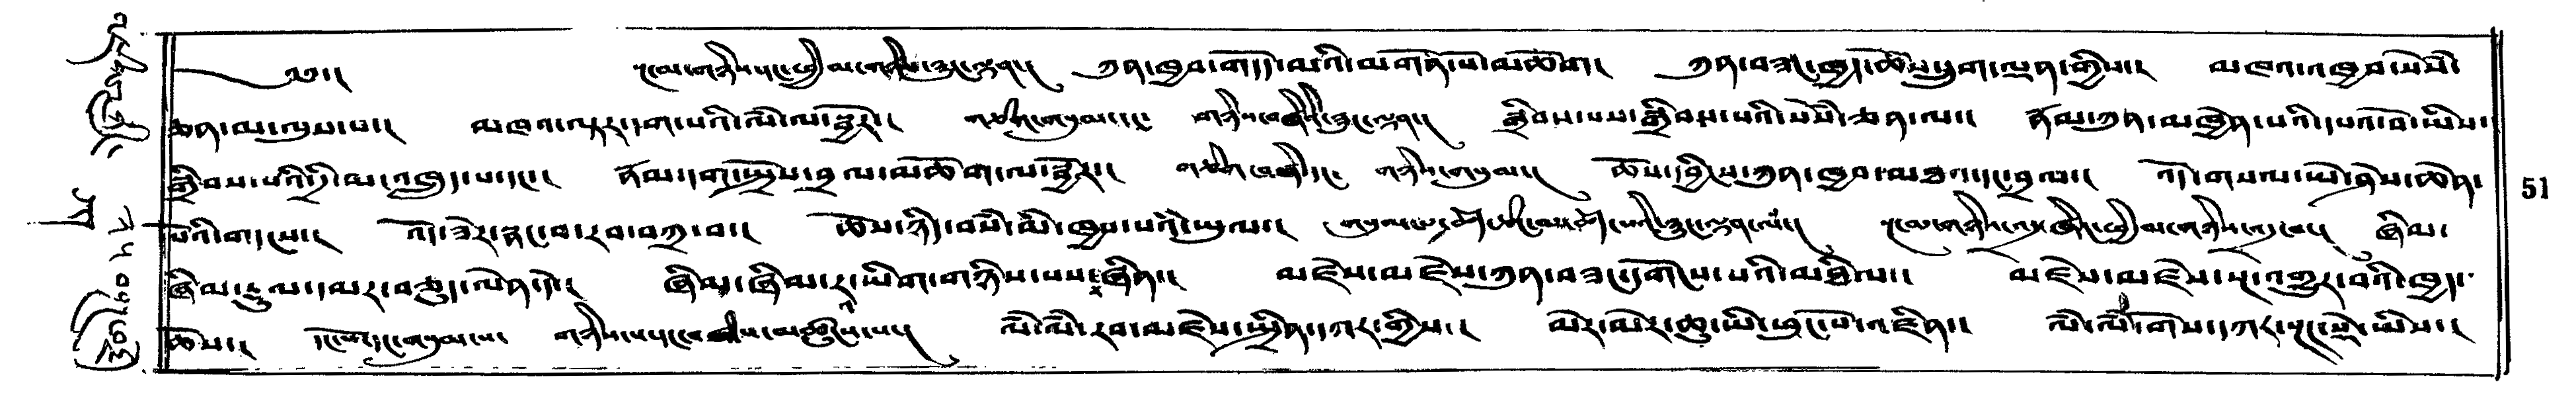སྔ་མ་གཉིས་དང་ཕྱི་མ་གཉིས་ཟུང་ལྡན།ཀུན་ཁྱབ་གདོད་མའི་མགོན་པོ་མཆོག ། ཀུན་བཟང་ཁྱད་ཆོས་དྲུག་ལྡན་གྱིས། །མཁའ་ཁྱབ་སེམས་
ཅན་མ་ལུས་པ། །མཁའ་ལྟར་དག་པའི་ལམ་ལ་སྦྱོར། ། གཅིག་གསུམ་དང་། གཉིས་བཞིའི་ཟུང་ལྡན། སྒྲིབ་པས་བསྒྲིབས་པའི་སེམས་ཅན་ལ། །རྣམ་ཀུན་མཁྱེན་པའི་དཔའ་བོ་ཡིས། །
སྒྲིབ་པའི་དྲི་མ་འཁྲུད་པ་དང། །རྣམ་དག་སྤྲོས་བྲལ་མཆོག་ལ་སྦྱོར། ། གཅིག་བཞི་དང་། གཉིས་གསུམ། ཆོས་དབྱིངས་ཀུན་ཁྱབ་མཐའ་དང་བྲལ། །འོད་གསལ་ཡེ་ཤེས་ཆེན་
པོའི་གདངས། །འོད་ཟེར་སྣང་བ་རབ་བཀྲ་བ། །ཆོས་ཉིད་བསམ་མི་ཁྱབ་པའི་ཡུལ། ། གསུམ་པ་ཆོད་ཅིང་མ་ཆོད་པའི་ཟུང་ལྡན་ལ། སྔ་མ་གཉིས་འདྲ་ཞིང་ཕྱི་མ་གཉིས་འདྲ་བ། ཞིམ་
ཞིམ་རྡུལ་དམར་བཅུད་ལེན་དེ། །ཞིམ་ཞིམ་རྭ་ཡིག་གཉིས་པས་བཞིན། །མཛེས་མཛེས་ཀུན་བཟང་དགོངས་པའི་མཐིལ། །མཛེས་མཛེས་སྔ་འགྱུར་བའི་ཁྱད་
ཆོས། ། དང་པོ་དང་གསུམ་པ། གཉིས་པ་དང་བཞི་པ་མཚུངས་པ། ལམ་ལམ་རབ་མཛེས་སྤྲིན་དཀར་གྱིས། །མེར་མེར་ཆུ་ཡི་ཕུང་པོ་འཛིན། །ལམ་ལམ་གོས་དཀར་སྔགས་སྡེ་ཡིས།